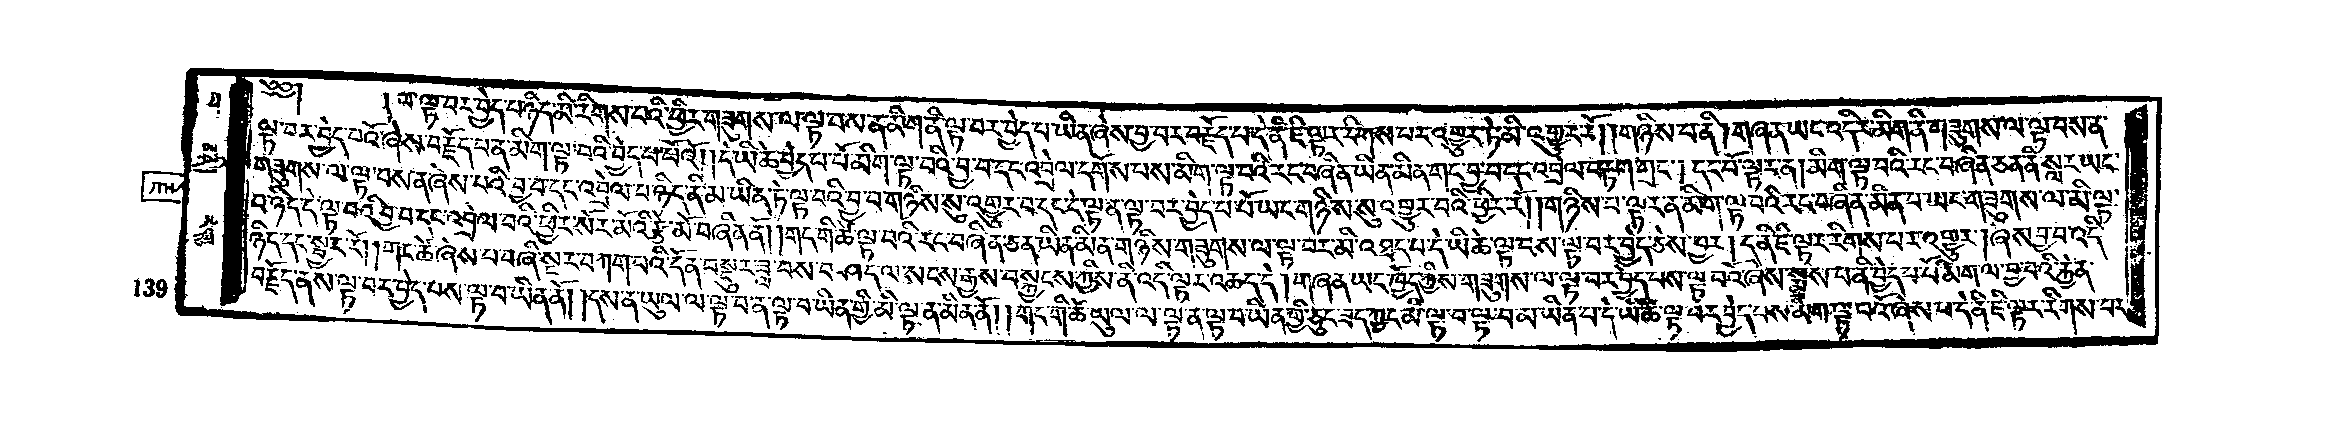༄༅། །ལ་ལྟ་བར་བྱེད་པ་ཉིད་མི་རིགས་པའི་ཕྱིར་གཟུགས་ལ་ལྟ་བས་ན་མིག་ནི་ལྟ་བར་བྱེད་པ་ཡིན་ཞེས་བྱ་བར་བརྗོད་པ་དེ་ནི་ཇི་ལྟར་རིགས་པར་འགྱུར་ཏེ་མི་འགྱུར་རོ། །གཉིས་པ་ནི། གཞན་ཡང་འདིར་མིག་ནི་གཟུགས་ལ་ལྟ་བས་ན་
ལྟ་བར་བྱེད་པའོ་ཞེས་བརྗོད་པ་ན་མིག་ལྟ་བའི་བྱེད་པ་པོའི། །དེ་ཡི་ཆེ་བྱེད་པ་པོ་མིག་ལྟ་བའི་བྱ་བ་དང་འབྲེལ་དགོས་པས་མིག་ལྟ་བའི་རང་བཞིན་ཡིན་མིན་གང་བྱ་བ་དང་འབྲེལ་བརྟག་གྲང་། དང་པོ་ལྟ་ན། མིག་ལྟ་བའི་རང་བཞིན་ཅན་ནི་སླར་ཡང་
གཟུགས་ལ་ལྟ་བས་ན་ཞེས་པའི་བྱ་བ་དང་འབྲེལ་པ་ཉིད་ནི་མ་ཡིན་ཏེ་ལྟ་བའི་བྱ་བ་གཉིས་སུ་འགྱུར་བ་དང་དེ་ལྟ་ན་ལྟ་བར་བྱེད་པ་པོ་ཡང་གཉིས་སུ་འགྱུར་བའི་ཕྱིར་རོ། །གཉིས་པ་ལྟ་ན་མིག་ལྟ་བའི་རང་བཞིན་མིན་པ་ཡང་གཟུགས་ལ་མི་ལྟ་
བ་ཉིད་དེ་ལྟ་བའི་བྱ་བ་དང་འབྲེལ་བའི་ཕྱིར་སོར་མོའི་རྩེ་མོ་བཞིན་ནོ། །གང་གི་ཚེ་ལྟ་བའི་རང་བཞིན་ཅན་ཡིན་མིན་གཉིས་གཟུགས་ལ་ལྟ་བར་མི་འཐད་པ་དེ་ཡི་ཆེ་ལྟ་བས་ལྟ་བར་བྱེད་ཅེས་བྱར། ད་ནི་ཇི་ལྟར་རིགས་པར་འགྱུར། ཞེས་བྱ་བ་འདི་
ཉིད་དང་སྦྱར་རོ། །གང་ཚེ་ཞེས་པ་བཞི་སྔར་བཀག་པའི་དོན་བསྡུར་ཟླ་བས་བཤད་ལ་སངས་རྒྱས་བསྐྱངས་ཀྱིས་ནི་འདི་ལྟར་འཆད་དེ། གཞན་ཡང་ཁྱོད་ཀྱིས་གཟུགས་ལ་ལྟ་བར་བྱེད་པས་ལྟ་བའོ་ཞེས་སྨྲས་པ་ནི་བྱེད་པ་པོ་མིག་ལ་བྱ་བའི་རྐྱེན་
བརྗོད་ནས་ལྟ་བར་བྱེད་པས་ལྟ་བ་ཡིན་ནོ། །དེས་ན་ཡུལ་ལ་ལྟ་བ་ན་ལྟ་བ་ཡིན་གྱི་མི་ལྟ་ན་མིན་ནོ། །གང་གི་ཚེ་ཡུལ་ལ་ལྟ་ན་ལྟ་བ་ཡིན་གྱི་ཅུང་ཟད་ཀྱང་མི་ལྟ་བ་ལྟ་བ་མ་ཡིན་པ་དེ་ཡི་ཚེ་ལྟ་བར་བྱེད་པས་མིག་ལྟ་བའོ་ཞེས་པ་དེ་ནི་ཇི་ལྟར་རིགས་པར་